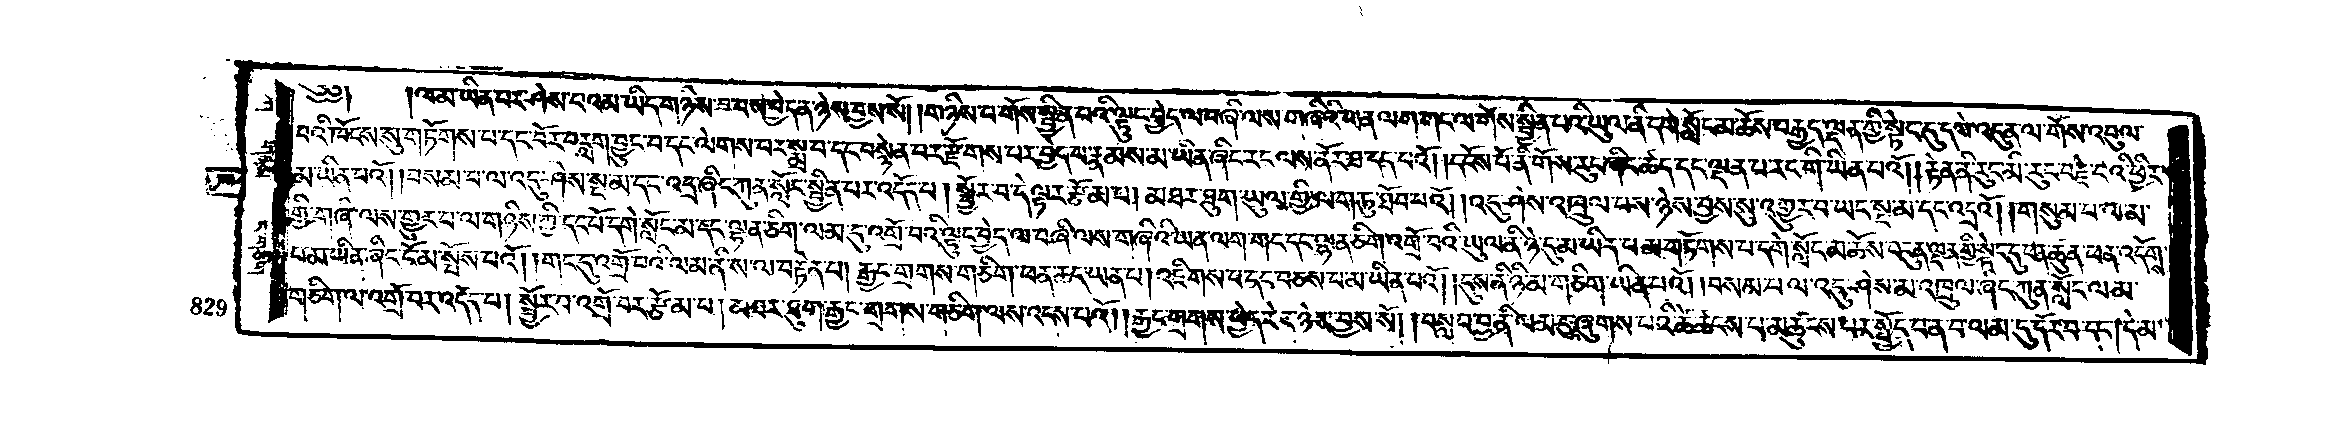༄༅། །ལམ་ཡིན་པར་ཤེས་པའམ་ཡིད་གཉིས་ཟ་བས་བྱེད་ན་ཉེས་བྱས་སོ། །གཉིས་པ་གོས་སྦྱིན་པའི་ལྟུང་བྱེད་ལ་བཞི་ལས་གཞིའི་ཡན་ལག་གང་ལ་གོས་སྦྱིན་པའི་ཡུལ་ནི་དགེ་སློང་མ་ཆོས་བརྒྱད་ལྡན་གྱི་སྟེང་དུ་དགེ་འདུན་ལ་གོས་འབུལ་
བའི་ཁོངས་སུ་གཏོགས་པ་དང་བོར་བརླག་བྱུང་བ་དང་ལེགས་པར་སྨྲ་བ་དང་བསྙེན་པར་རྫོགས་པར་བྱེད་པ་རྣམས་མ་ཡིན་ཞིང་རང་ལས་ནོར་ཐ་དད་པའོ། །དངོས་པོ་ནི་གོས་རུང་ཞིང་ཚད་དང་ལྡན་པ་རང་གི་ཡིན་པའོ། །རྟེན་ནི་རུང་མི་རུང་བརྗེ་བའི་ཕྱིར་
མ་ཡིན་པའོ། །བསམ་པ་ལ་འདུ་ཤེས་སྔ་མ་དང་འདྲ་ཞིང་ཀུན་སློང་སྦྱིན་པར་འདོད་པ། སྦྱོར་བ་དེ་ལྟར་རྩོམ་པ། མཐར་ཐུག་ཡུལ་གྱི་ལག་ཏུ་ཐོབ་པའོ། །འདུ་ཤེས་འཁྲུལ་པས་ཉེས་བྱས་སུ་འགྱུར་བ་ཡང་སྔ་མ་དང་འདྲའོ། །གསུམ་པ་ལ་མ་
གྱི་གཞི་ལས་གྱུར་པ་ལ་གཉིས་ཀྱི་དང་པོ་དགེ་སློང་མ་དང་ལྷན་ཅིག་ལམ་དུ་འགྲོ་བའི་ལྟུང་བྱེད་ལ་བཞི་ལས་གཞིའི་ཡན་ལག་གང་དང་ལྷན་ཅིག་འགྲོ་བའི་ཡུལ་ནི་ཉེ་དུ་མ་ཡིན་པ་མ་གཏོགས་པ་དགེ་སློང་མ་ཆོས་བདུན་ལྡན་གྱི་སྟེང་དུ་ཕན་ཚུན་ཕན་འདོགས་
པ་མ་ཡིན་ཞིང་ངོ་མ་སྤོས་པའོ། །གང་དུ་འགྲོ་བའི་ལམ་ནི་ས་ལ་བརྟེན་པ། རྒྱང་གྲགས་གཅིག་ཕན་ཆད་ཡན་པ། འཇིགས་པ་དང་བཅས་པ་མ་ཡིན་པའོ། །དུས་ནི་ཉི་མ་གཅིག་ཡིན་པའོ། །བསམ་པ་ལ་འདུ་ཤེས་མ་འཁྲུལ་ཞིང་ཀུན་སློང་ལམ་
གཅིག་ལ་འགྲོ་བར་འདོད་པ། སྦྱོར་བ་འགྲོ་བར་རྩོམ་པ། མཐར་ཐུག་རྒྱང་གྲགས་གཅིག་ལས་འདས་པའོ། །རྒྱང་གྲགས་ཕྱེད་རེད་ཉེས་བྱས་སོ། །བསླབ་བྱ་ནི་ལམ་དུ་ཞུགས་པའི་ཚེ་ཚངས་པ་མཚུངས་པར་སྤྱོད་པ་ན་བ་ལམ་དུ་དོར་བ་དང་། དེ་མ་